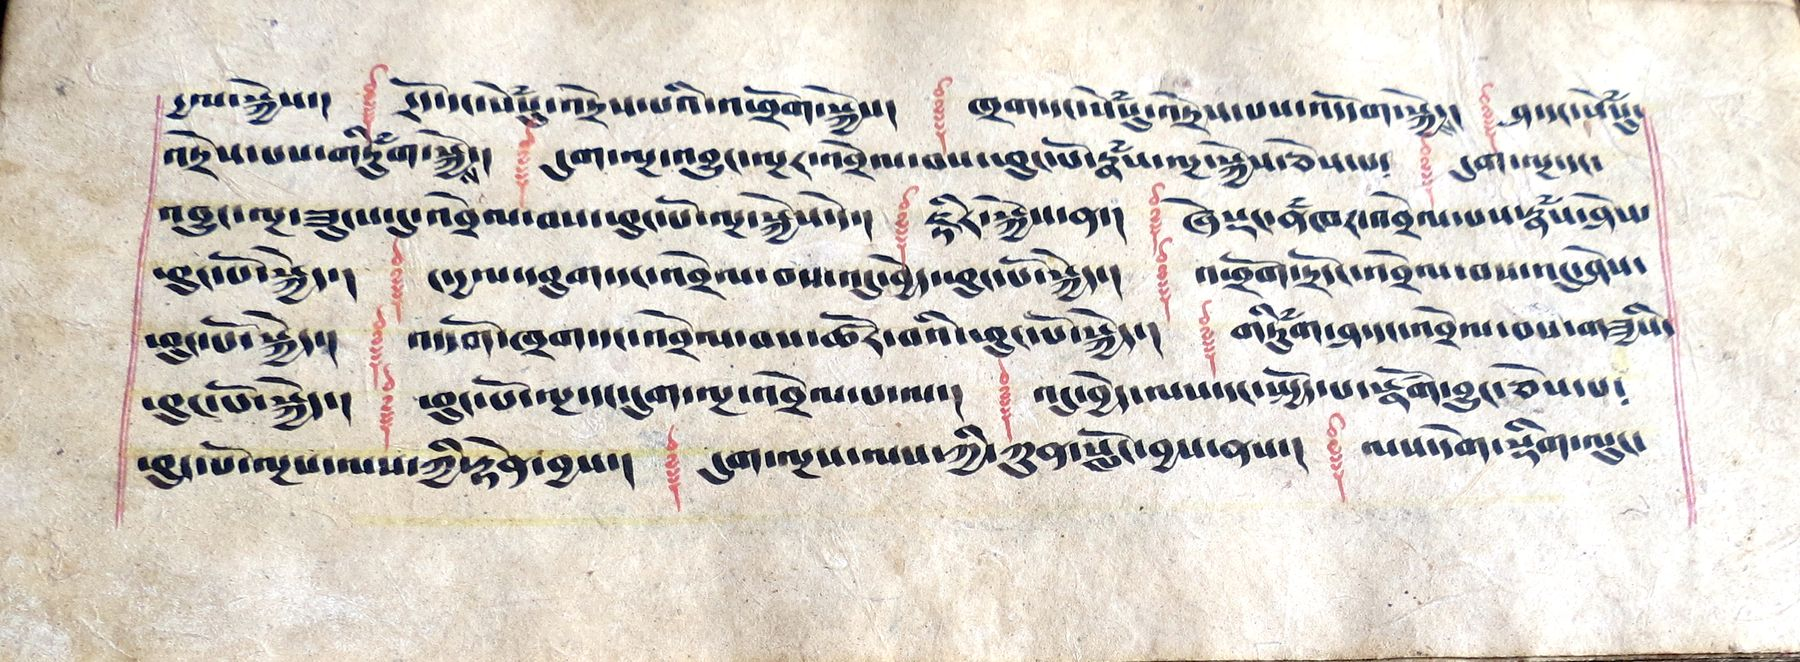ང་རྒྱལ་བསྐྱེད། དྲོད་དང་སེམས་སུ་འབྲེལ་བས་ཕྲག་དོག་བསྐྱེད། ཁྲག་དང་སེམས་སུ་འབྲེལ་བས་འདོད་ཆགས་བསྐྱེད། ཤ་དང་སེམས་སུ་
འབྲེལ་བས་གཏི་མུག་བསྐྱེད། དུག་ལྔ་འབྱུང་ལྔར་འབྲེལ་བས་ཕུང་པོ་རྣམ་ལྔར་བསྐྱེད། །ཅེས་པས། དུག་ལྔ་དང་
འབྱུང་བ་ལྔ་པོ་ཟུང་དུ་འབྲེལ་བས་ཕུང་པོ་ལྔ་བསྐྱེད་དེ། ཇི་ལྟར་བསྐྱེད་ན། ཞེ་སྡང་ནམ་མཁར་འབྲེལ་བས་རྣམ་ཤེས་
ཕུང་པོ་བསྐྱེད། ང་རྒྱལ་དབུགས་དང་འབྲེལ་བས་འདུ་བྱེད་ཕུང་པོ་བསྐྱེད། ཕྲག་དོག་དྲོད་དང་འབྲེལ་བས་འདུ་ཤེས་
ཕུང་པོ་བསྐྱེད། འདོད་ཆགས་ཁྲག་དང་འབྲེལ་བས་ཚོར་བའི་ཕུང་པོ་བསྐྱེད། གཏི་མུག་ཤ་དང་འབྲེལ་བས་གཟུགས་ཀྱི་
ཕུང་པོ་བསྐྱེད། ཕུང་པོ་ལྔ་དང་དུག་ལྔ་འབྲེལ་བ་ལས། འདུ་བྱེད་ལས་དང་སྤྱོད་པ་སྣ་ཚོགས་བྱུང་། །ཞེས་པས་
ཕུང་པོ་ལྔ་ལས་ཀྱི་རྟེན་བྱས། དུག་ལྔ་ལས་ཀྱི་ཀུན་སློང་བྱས་ནས། ལས་དགེ་སྡིག་ལུང་མ་བསྟན་